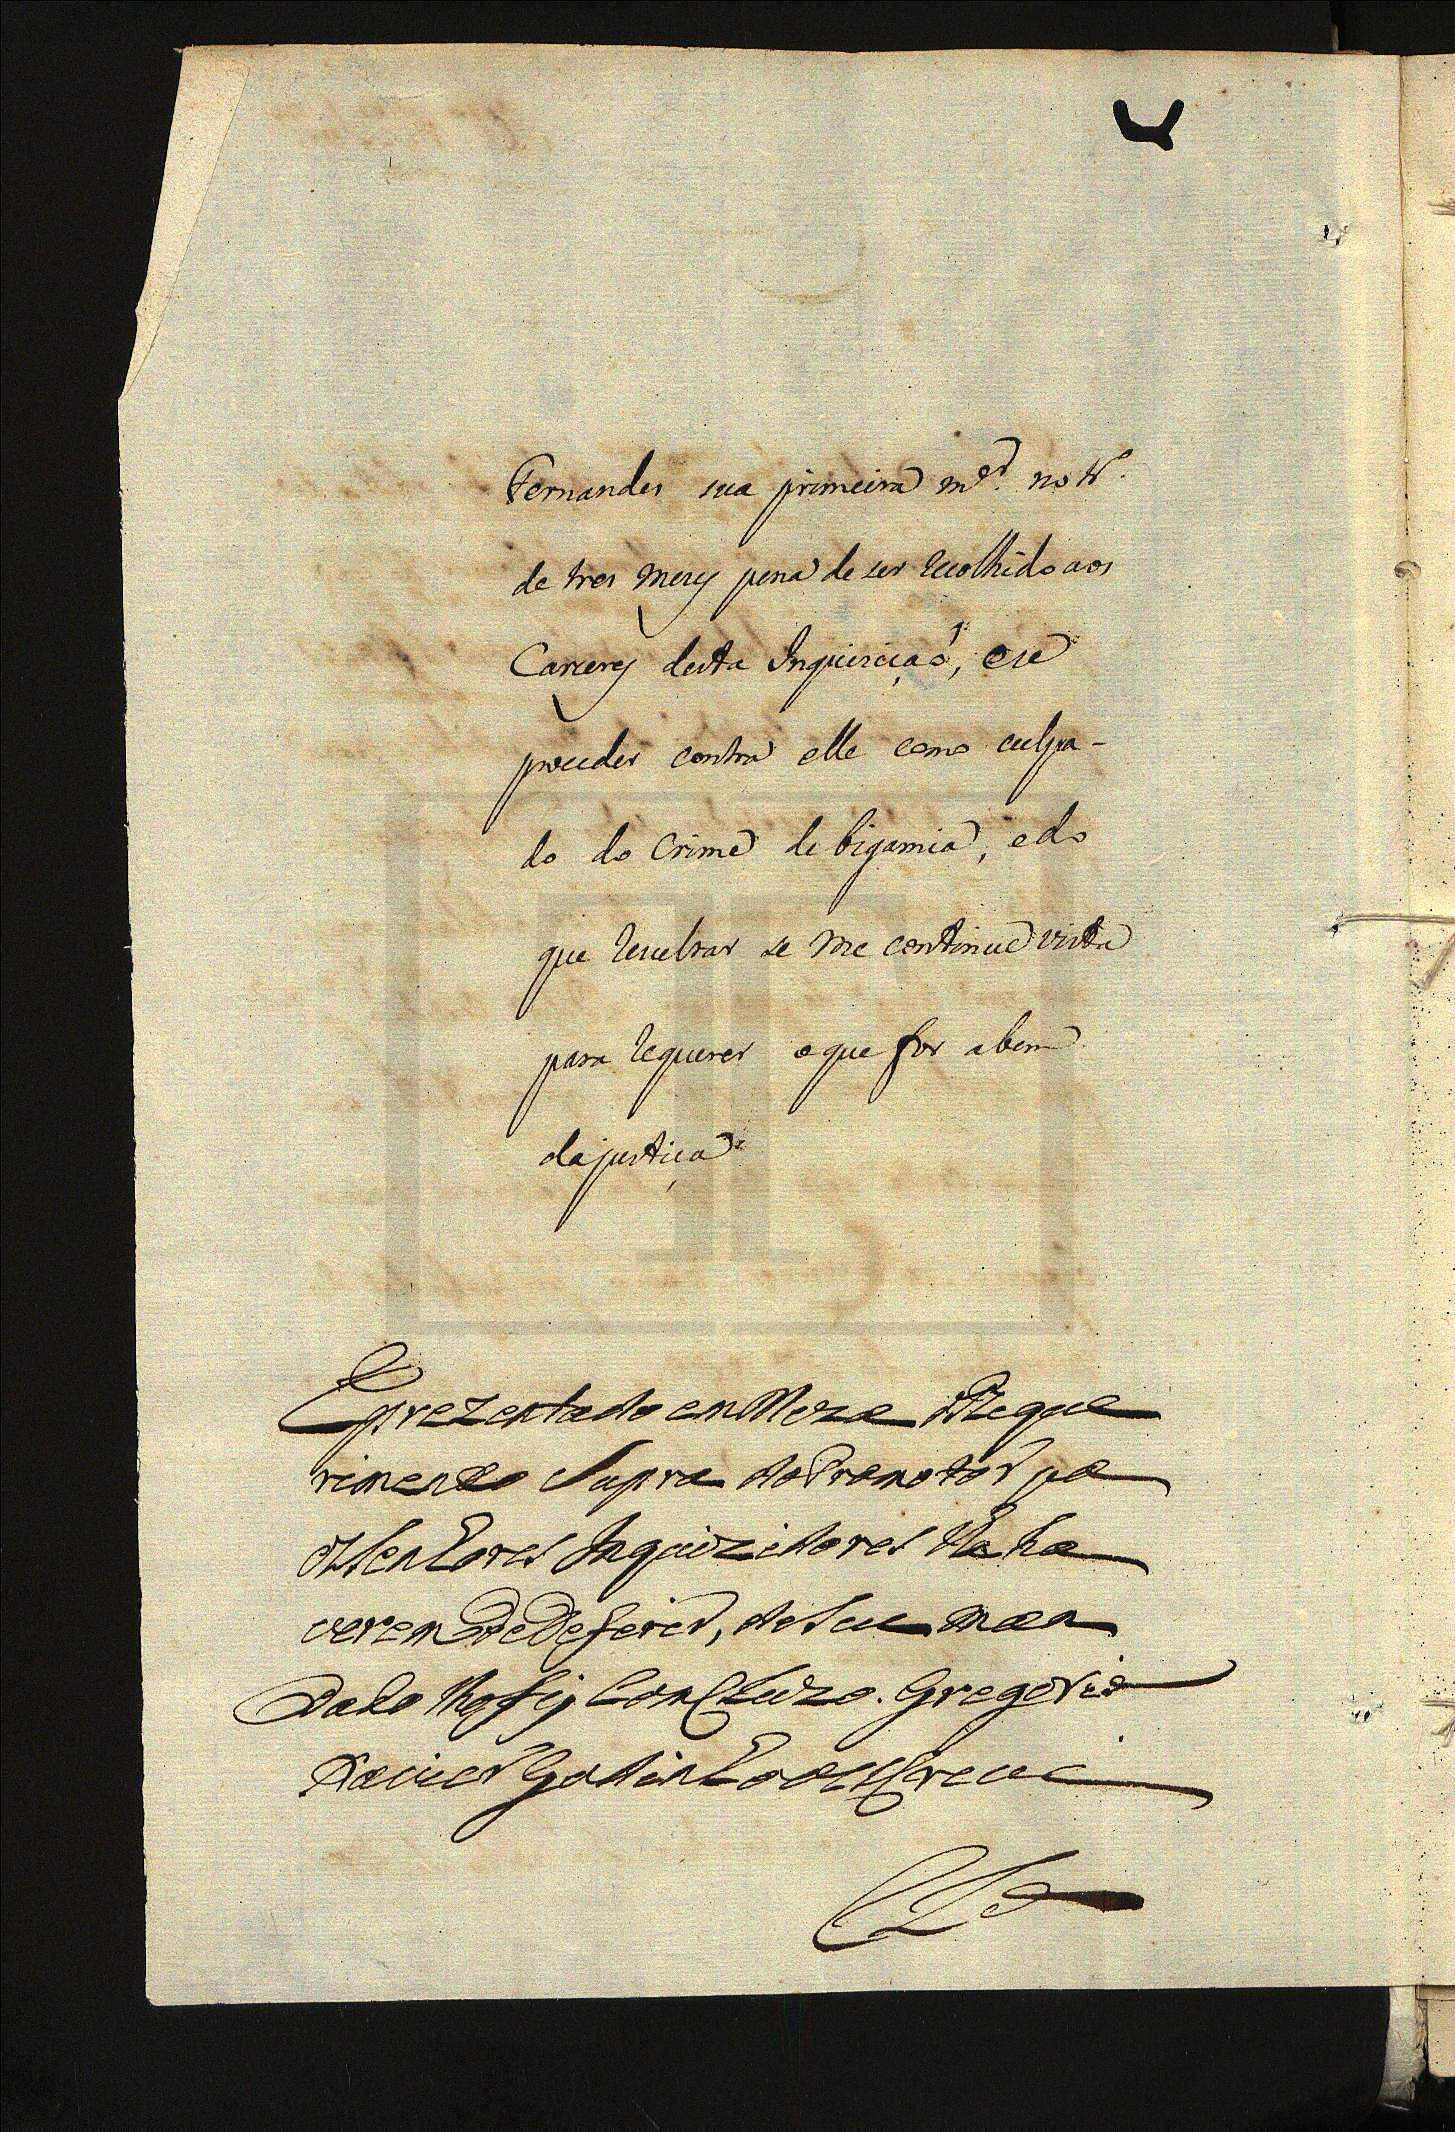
Fernandes sua primeira m.er no tr.o
de tres mezes pena de ser recolhido aos
Carceres desta Inquiziçaõ, e se
proceder contra elle como culpa
do do Crime de bigamia, e do
que Resultar se me continue vista
pura Requerer o que for a bem
da justiça.
E prezentado em Meza o Reque
rimento Supra do Promotor pa
os senhores Inquizidores lhe ha
verem de Deferir, de seu man
dado lhe fis ConCLuzo Gregorio
Xauier Godinho o esCreui
CLo
